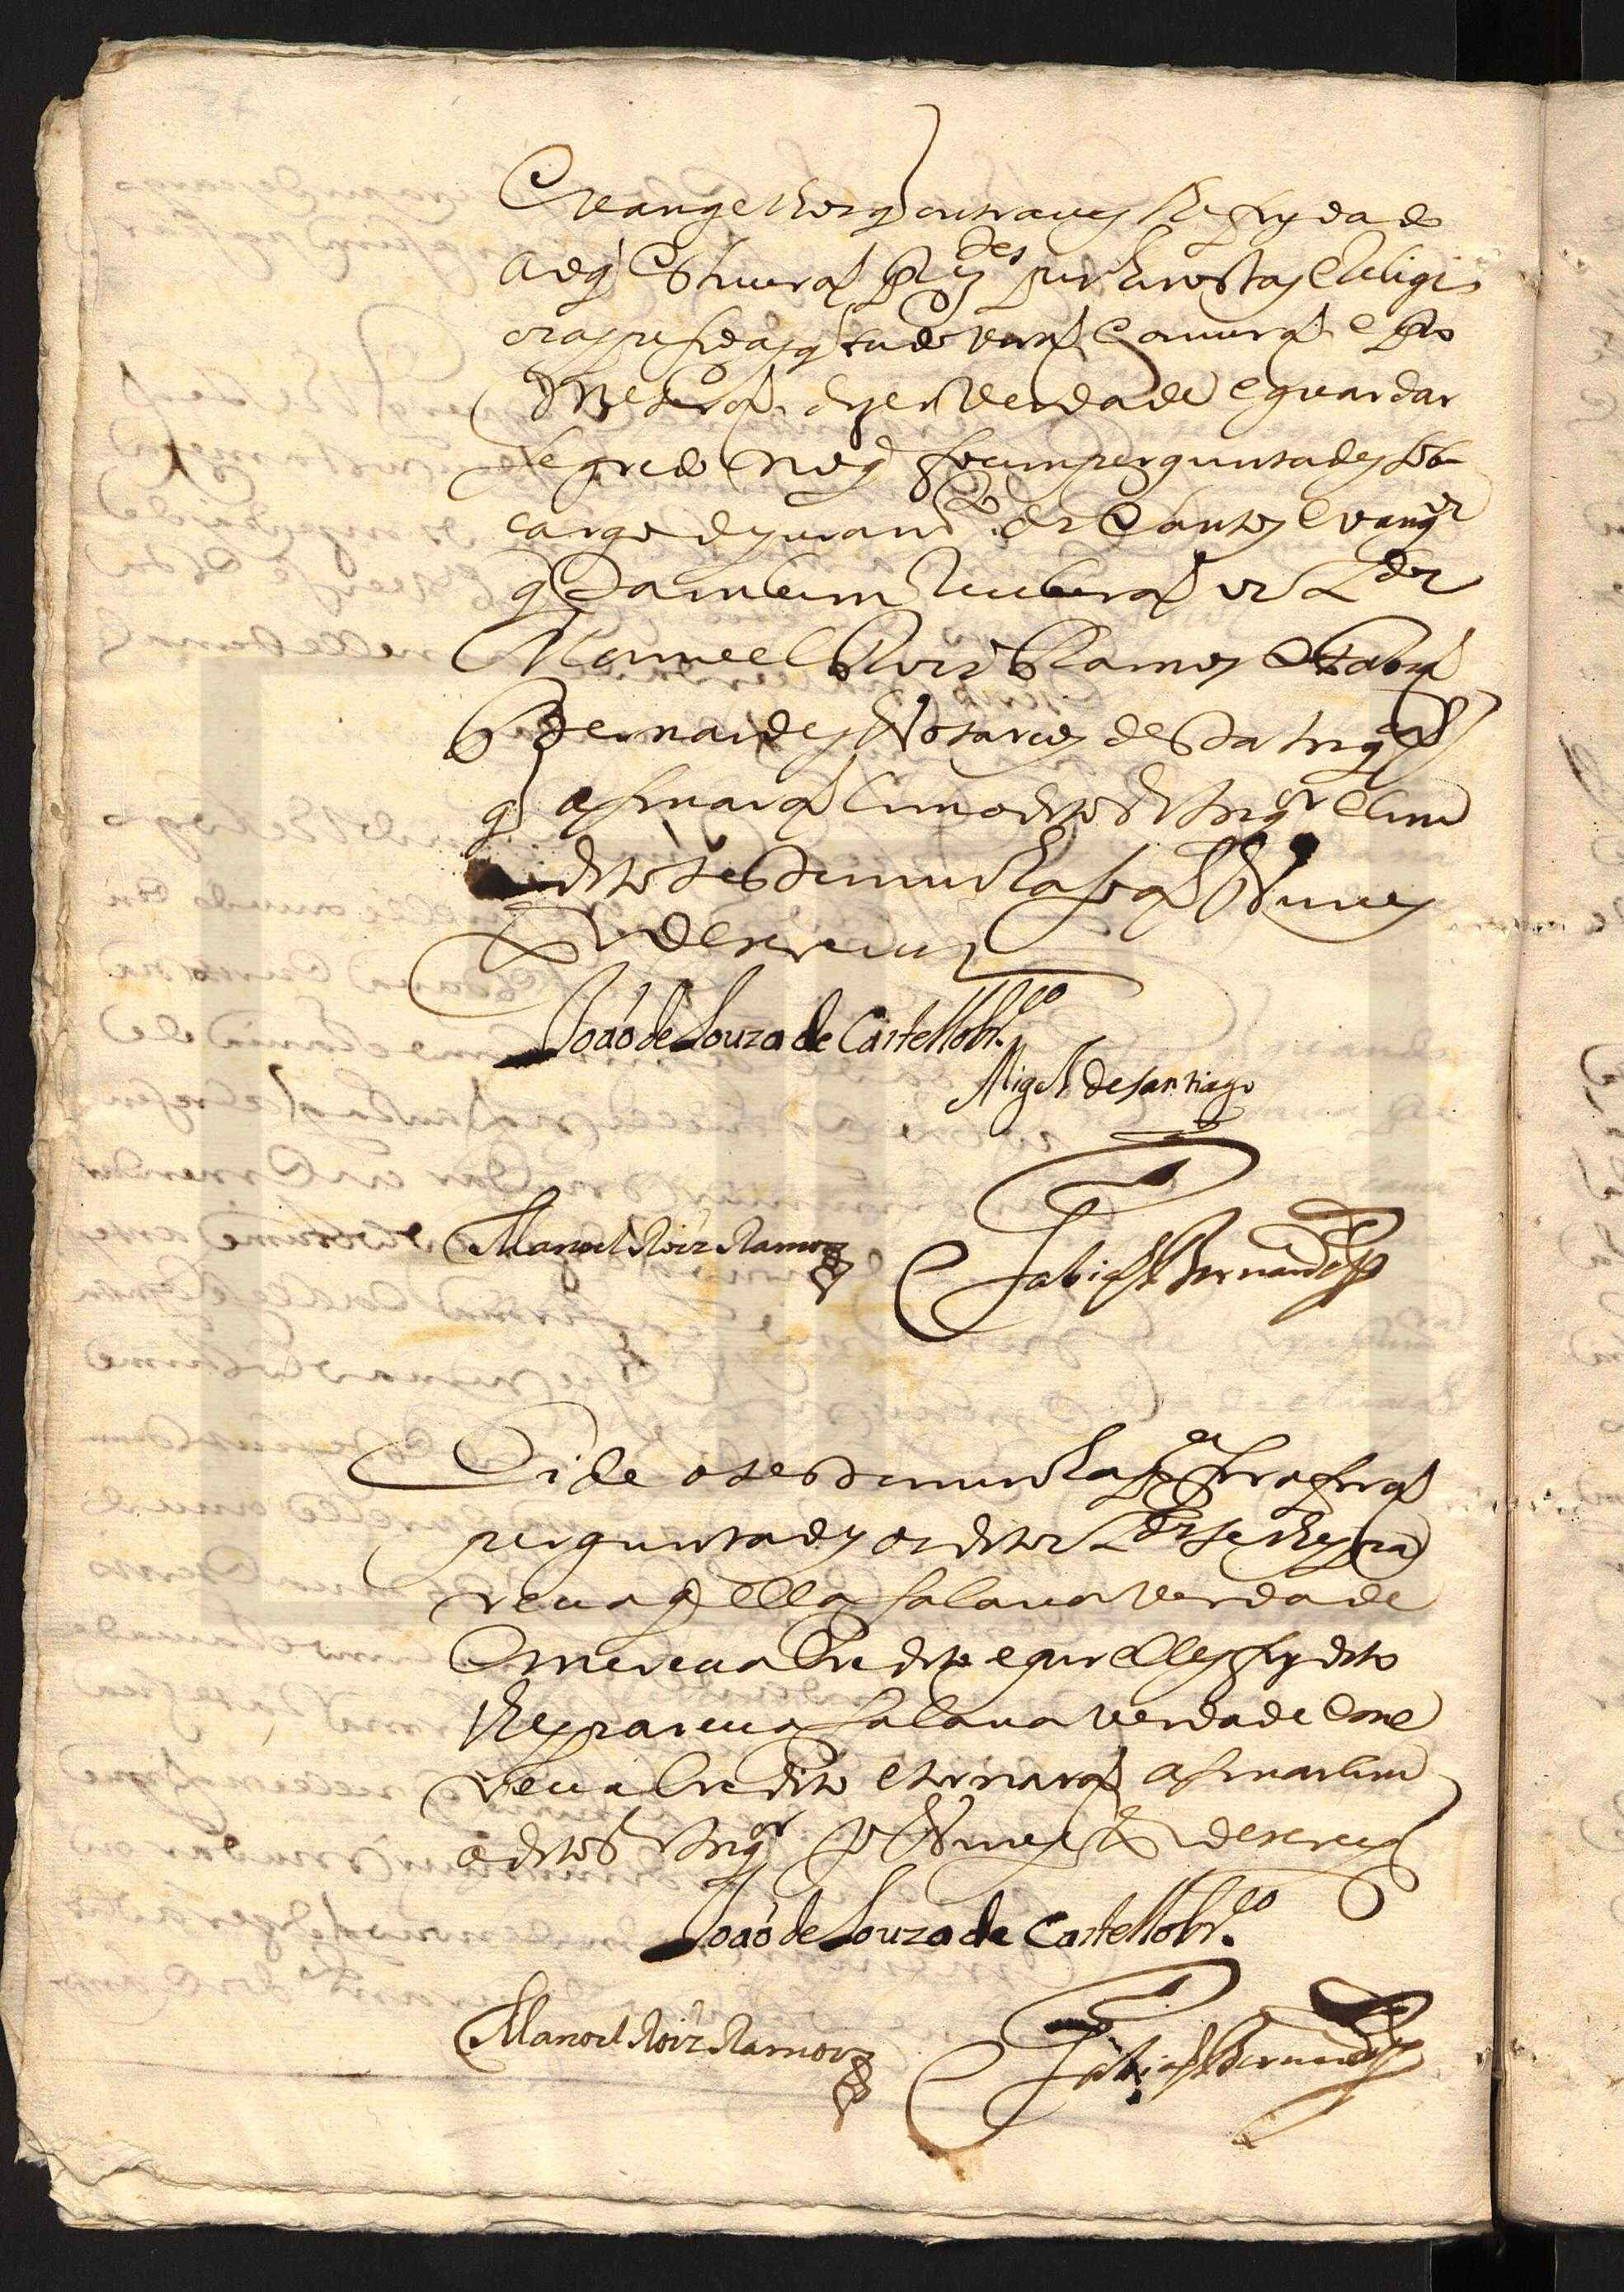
Evangelhos q̄ outra ves lhe foy dado
ao q̄ estiueraõ pRez.tes por honestas e Religi
ozas pessoas q̄ tudo viraõ e ouuiraõ e pRo
Meteraõ dizer verdade e guardar
segredo no q̄ focem perguntades sob
cargo do juram.to dos Santos evang.os
q̄ tambem Receberaõ os L.dos
Manoel Roiz̄ Ramos e Fabião
Bernardes Notarios desta Inq.caõ
q̄ asinaraõ Com os ditos srs Inq.or e com
dito testemunha Joaõ Nunes
& o escreuj
Ioaõ de Souza de Castellobr.co
Migel de Santiago
Manoel Roiz̄ Ramoz
Fabiaõ Bernardes
E ide o testemunha p.a fora foraõ
perguntados os ditos L.dos se lhes pa
recia q̄ ella falaua verdade
E merecia Credito e por elles foy dito
lhes parecia falaua verdade e me
recia Credito e tornaraõ asinarem
o dito sr Inqor Joaõ Nunes & o escreuj
Ioaõ de Souza de Castellobr.co
Manoel Roiz̄ Ramos
Fabião Bernardes
